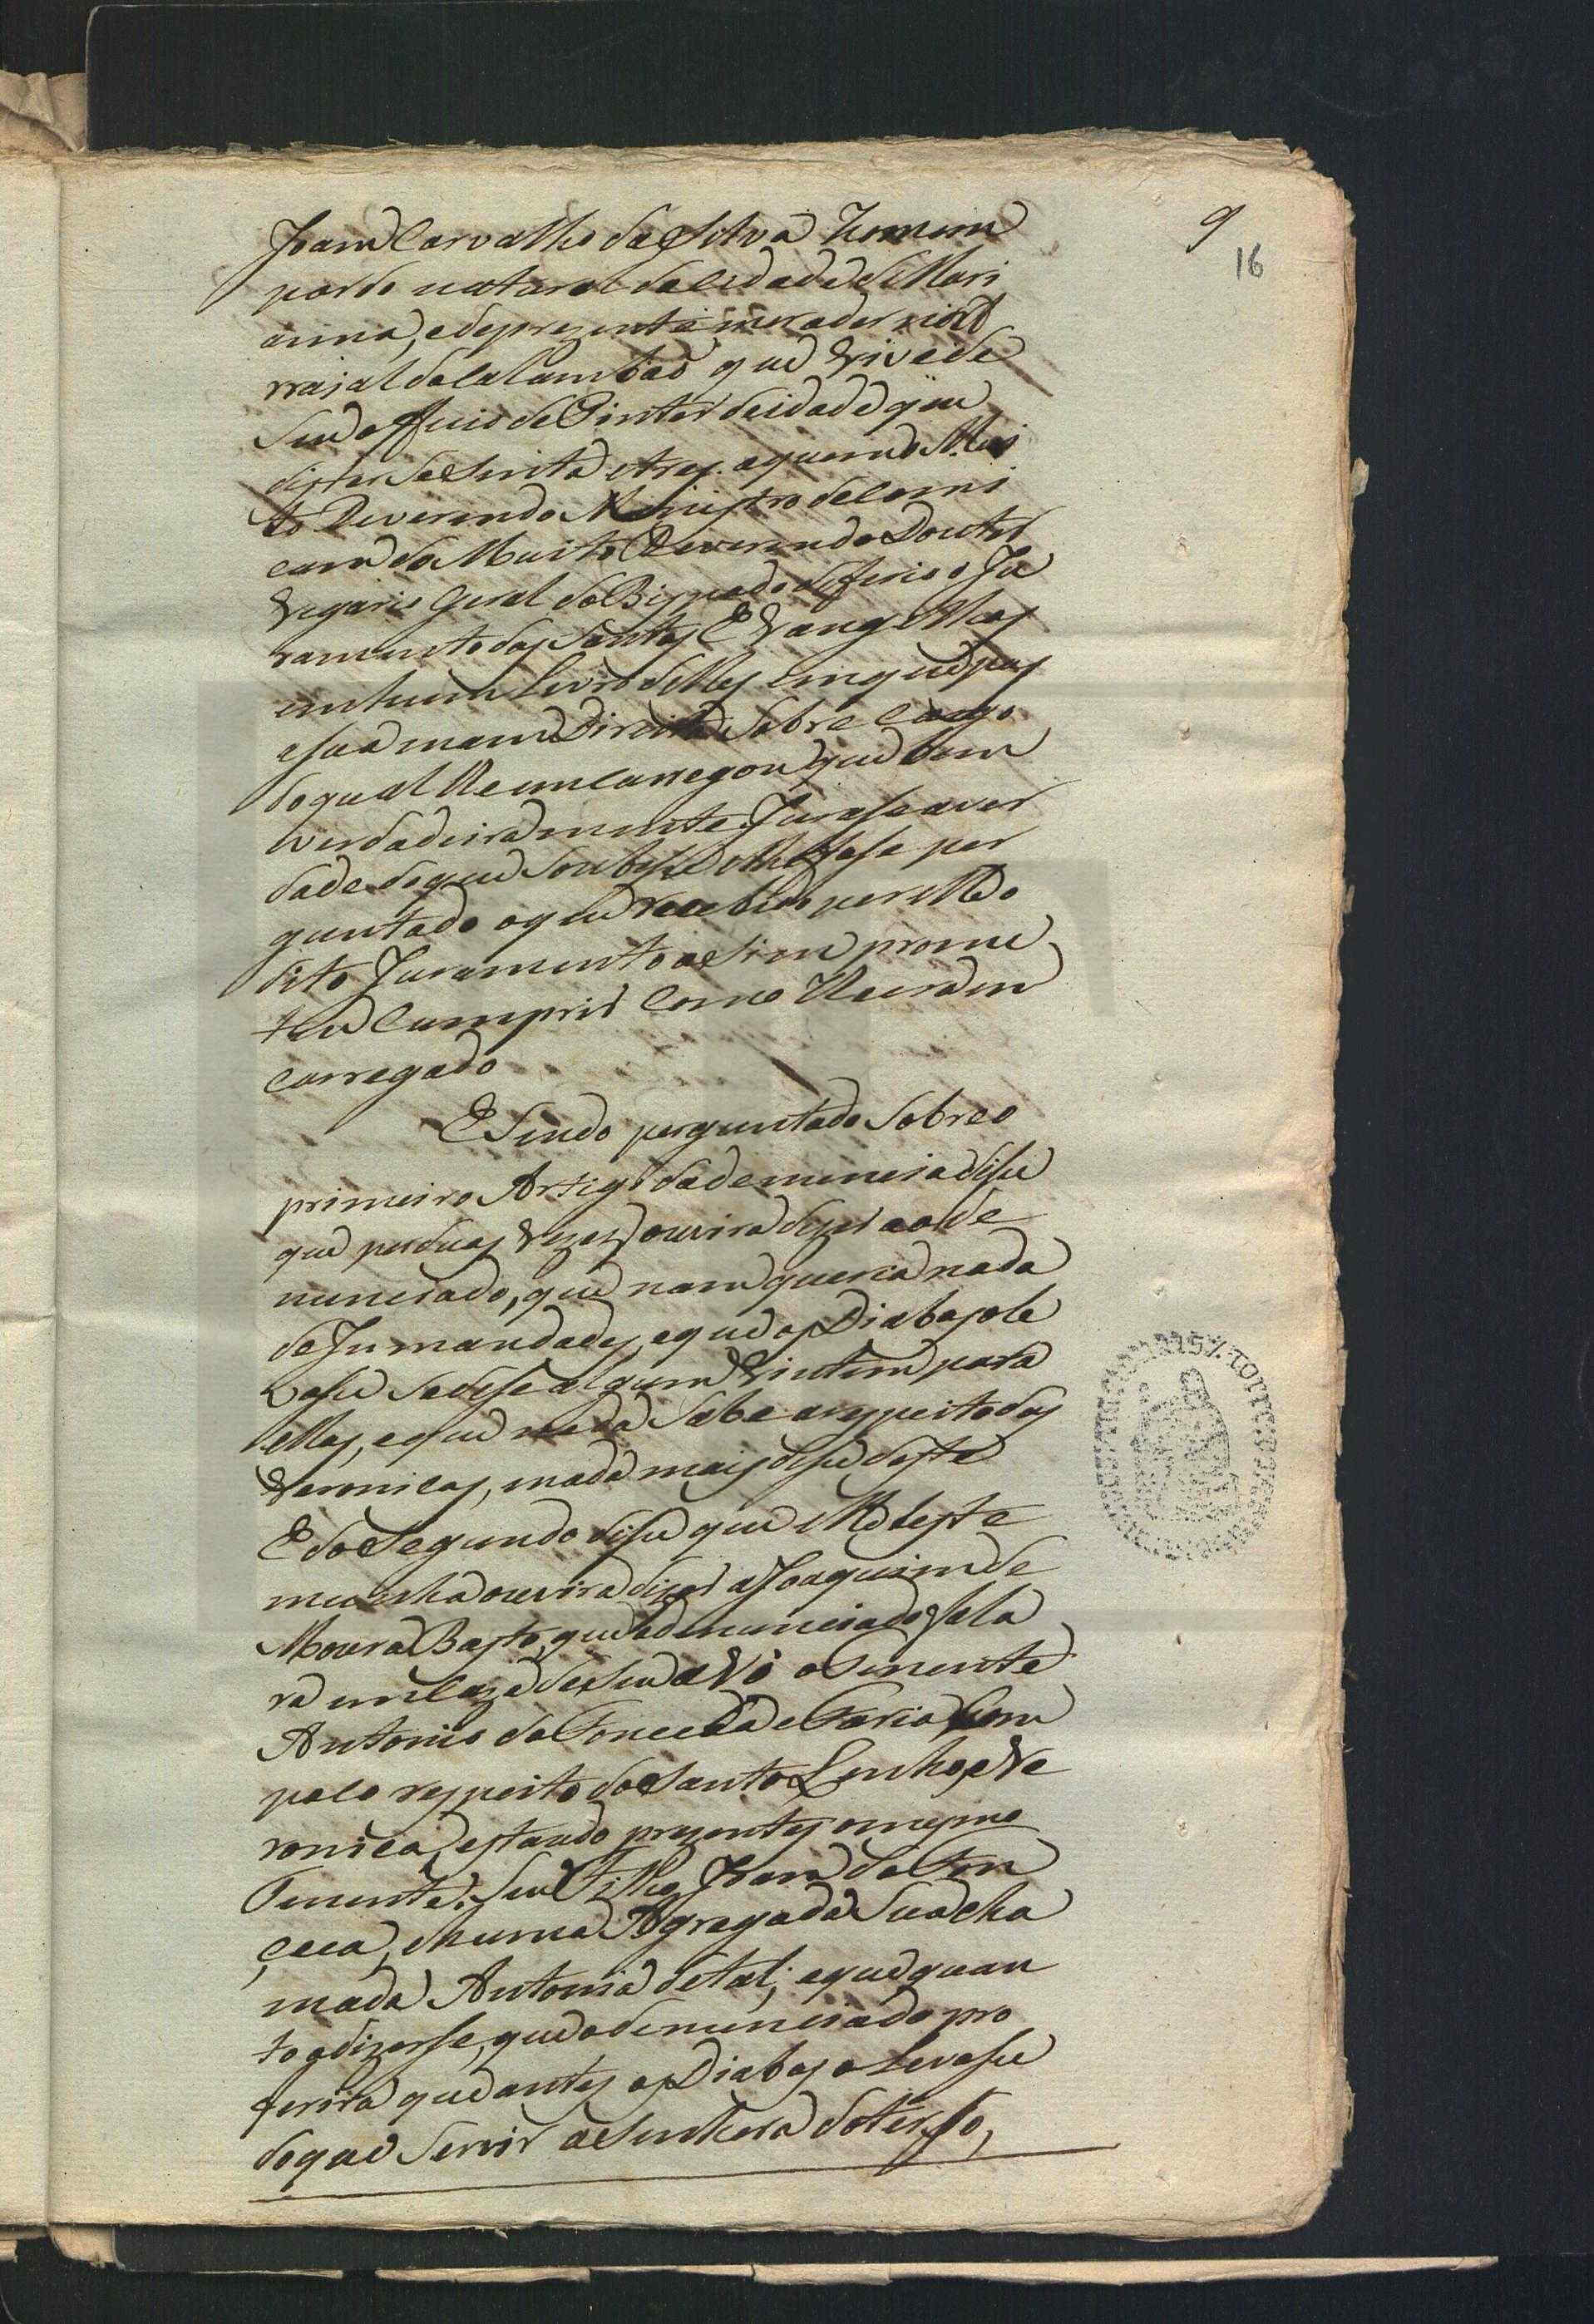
Joam Carvalho da Silva homem
pardo natural da cidade de Mari
anna, e de prezente morador no A
rraial do calambaõ que vive de
Seu officio de Pintor de idade que
dis ter sesenta e tres a quem o Mui
to Reverendo Menistro de comis
cam do Muito Reverendo Doutor
Vigario Geral do Bispado deferio o Ju
ramento dos Santos EVangelhos
em hum Livro delles em que pos
a sua mam Direira sobre cargo
do qual lhe emcarregou que bem
e verdadeiramente Jurase a ver
dade do que soubesse e lhe fose per
guntado o que recebido per elle o
dito Juramento aSim prome
teu cumprir como lhe era en
carregado
E sendo perguntado sobre o
primeiro Artigo da denuncia disse
que por duas vezez ouvira dizer ao de
nunciado, que nam queria nada
de Jrmandades, e que os Diabos o le
vasse se dese algum Vintem para
ellas, e que nada sabe a respeito das
Veronicas, e nada mais disse deste
E do Segundo disse que elle teste
munha, ouvira dizer a Joaquim de
Moura Basto, que o denunciado fala
ra em caza de seu aVó o Tenente
Antonio da Fonceca e Faria Com
poco respeito do Santo Lenho, e Ve
ronica, estando prezentes o mesmo
Tenente, seu Filho Joam da Fon
çeca, e huma Agragada Sua cha
mada Antonia de tal; e que quan
to a dizerse, que o denunciado pro
ferira que antes os Diabos o Levasse
do que servir a Senhora do terso,
